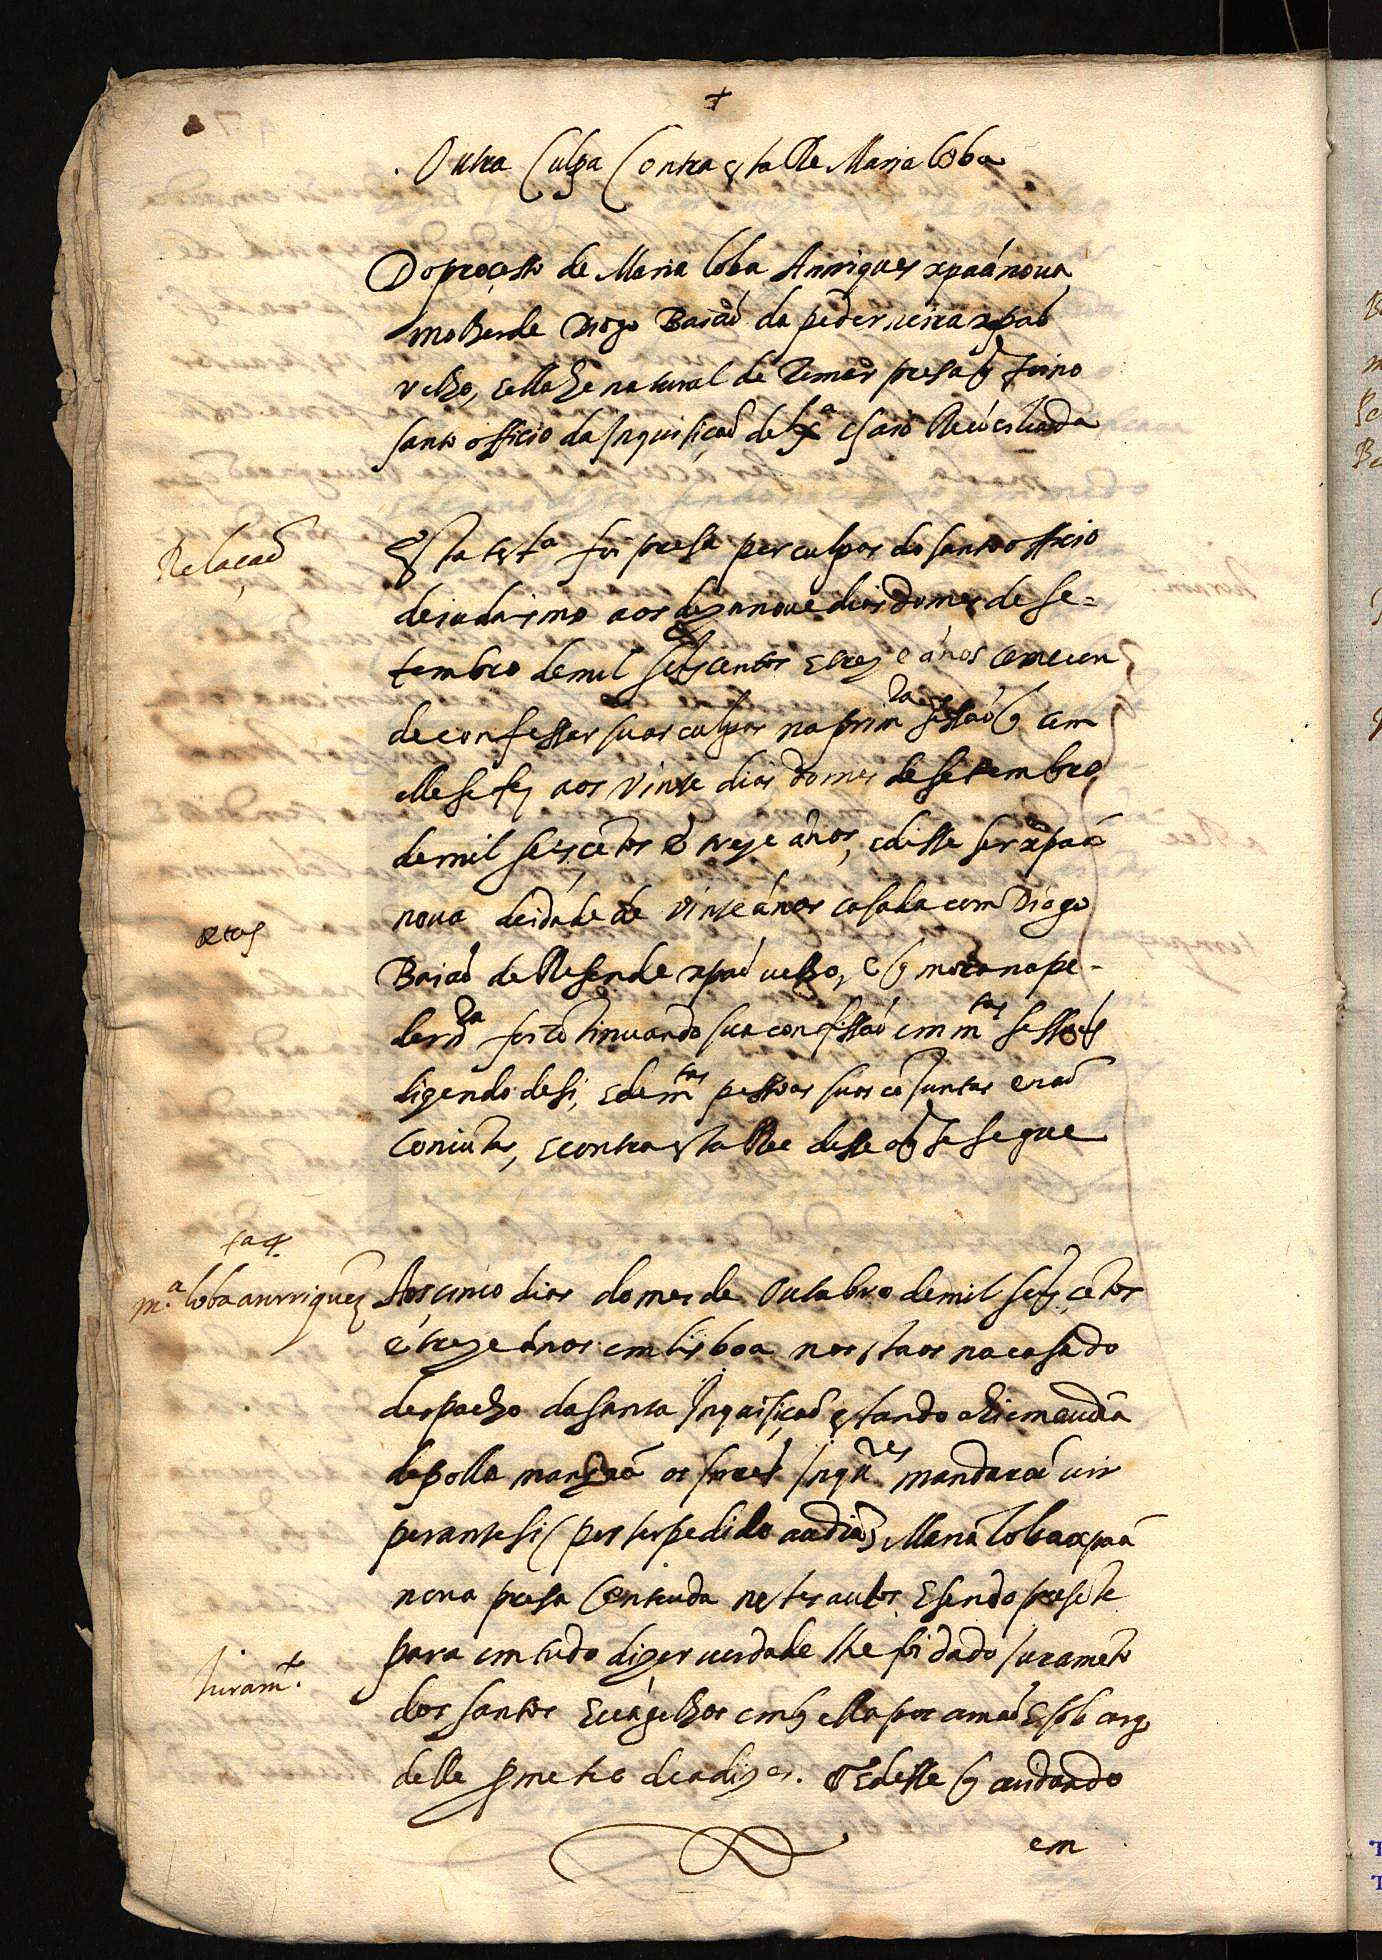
Outra Culpa Contra esta Re Maria loba
Do proçesso de Maria loba Anrriques xpaã noua
molher de Diogo Baraõ da pederneira xpaõ
velho, E ella ha natural de Tomar presa q̄ foi no
santo officio da Jnquisiçaõ de lxa e saio Recōciliada
Esta testa foi presa por culpas do santo officio
de iudaismo aos dezanoue dias do mes de se
tembro de mil seiscentos E treze an̄os comecou
de confessar suas culpas na primra sessaõ q̄ com
elle se fez aos vinte dias do mes de setembro
de mil seisçētos & treze an̄os, e disse ser xpaã
noua de idade de vinte an̄os casada com Diogo
Baiaõ de Resende xpaõ uelho, e q̄ mora na pe
dernra foi cōtinuando sua confissaõ em mtas sessoẽs
dizendo de si, E de mtas pessoas suas cōjuntas e naõ
coniūtas, E contra esta Ree desse o q̄ se segue
Aos çinco dias do mes de Outubro de mil seisçētos
e treze dias em lisboa nos staos na casa do
despacho da santa Jnquisiçaõ estando ahi em audiā
de polla manhaã os snres̄ Jnqu.res mandarā uir
perante si (por ter pedido audiā, Maria Loba xpaã
noua presa Conteuda nestes autos, E sendo presēte
para em tudo dizer uerdade lhe foi dado Juramēto
dos Santos Euāgelhos em q̄ ella pos a maõ E sob cargo
delle ꝓmeteo de a dizer. ⁋ E disse q̄ andando
em
